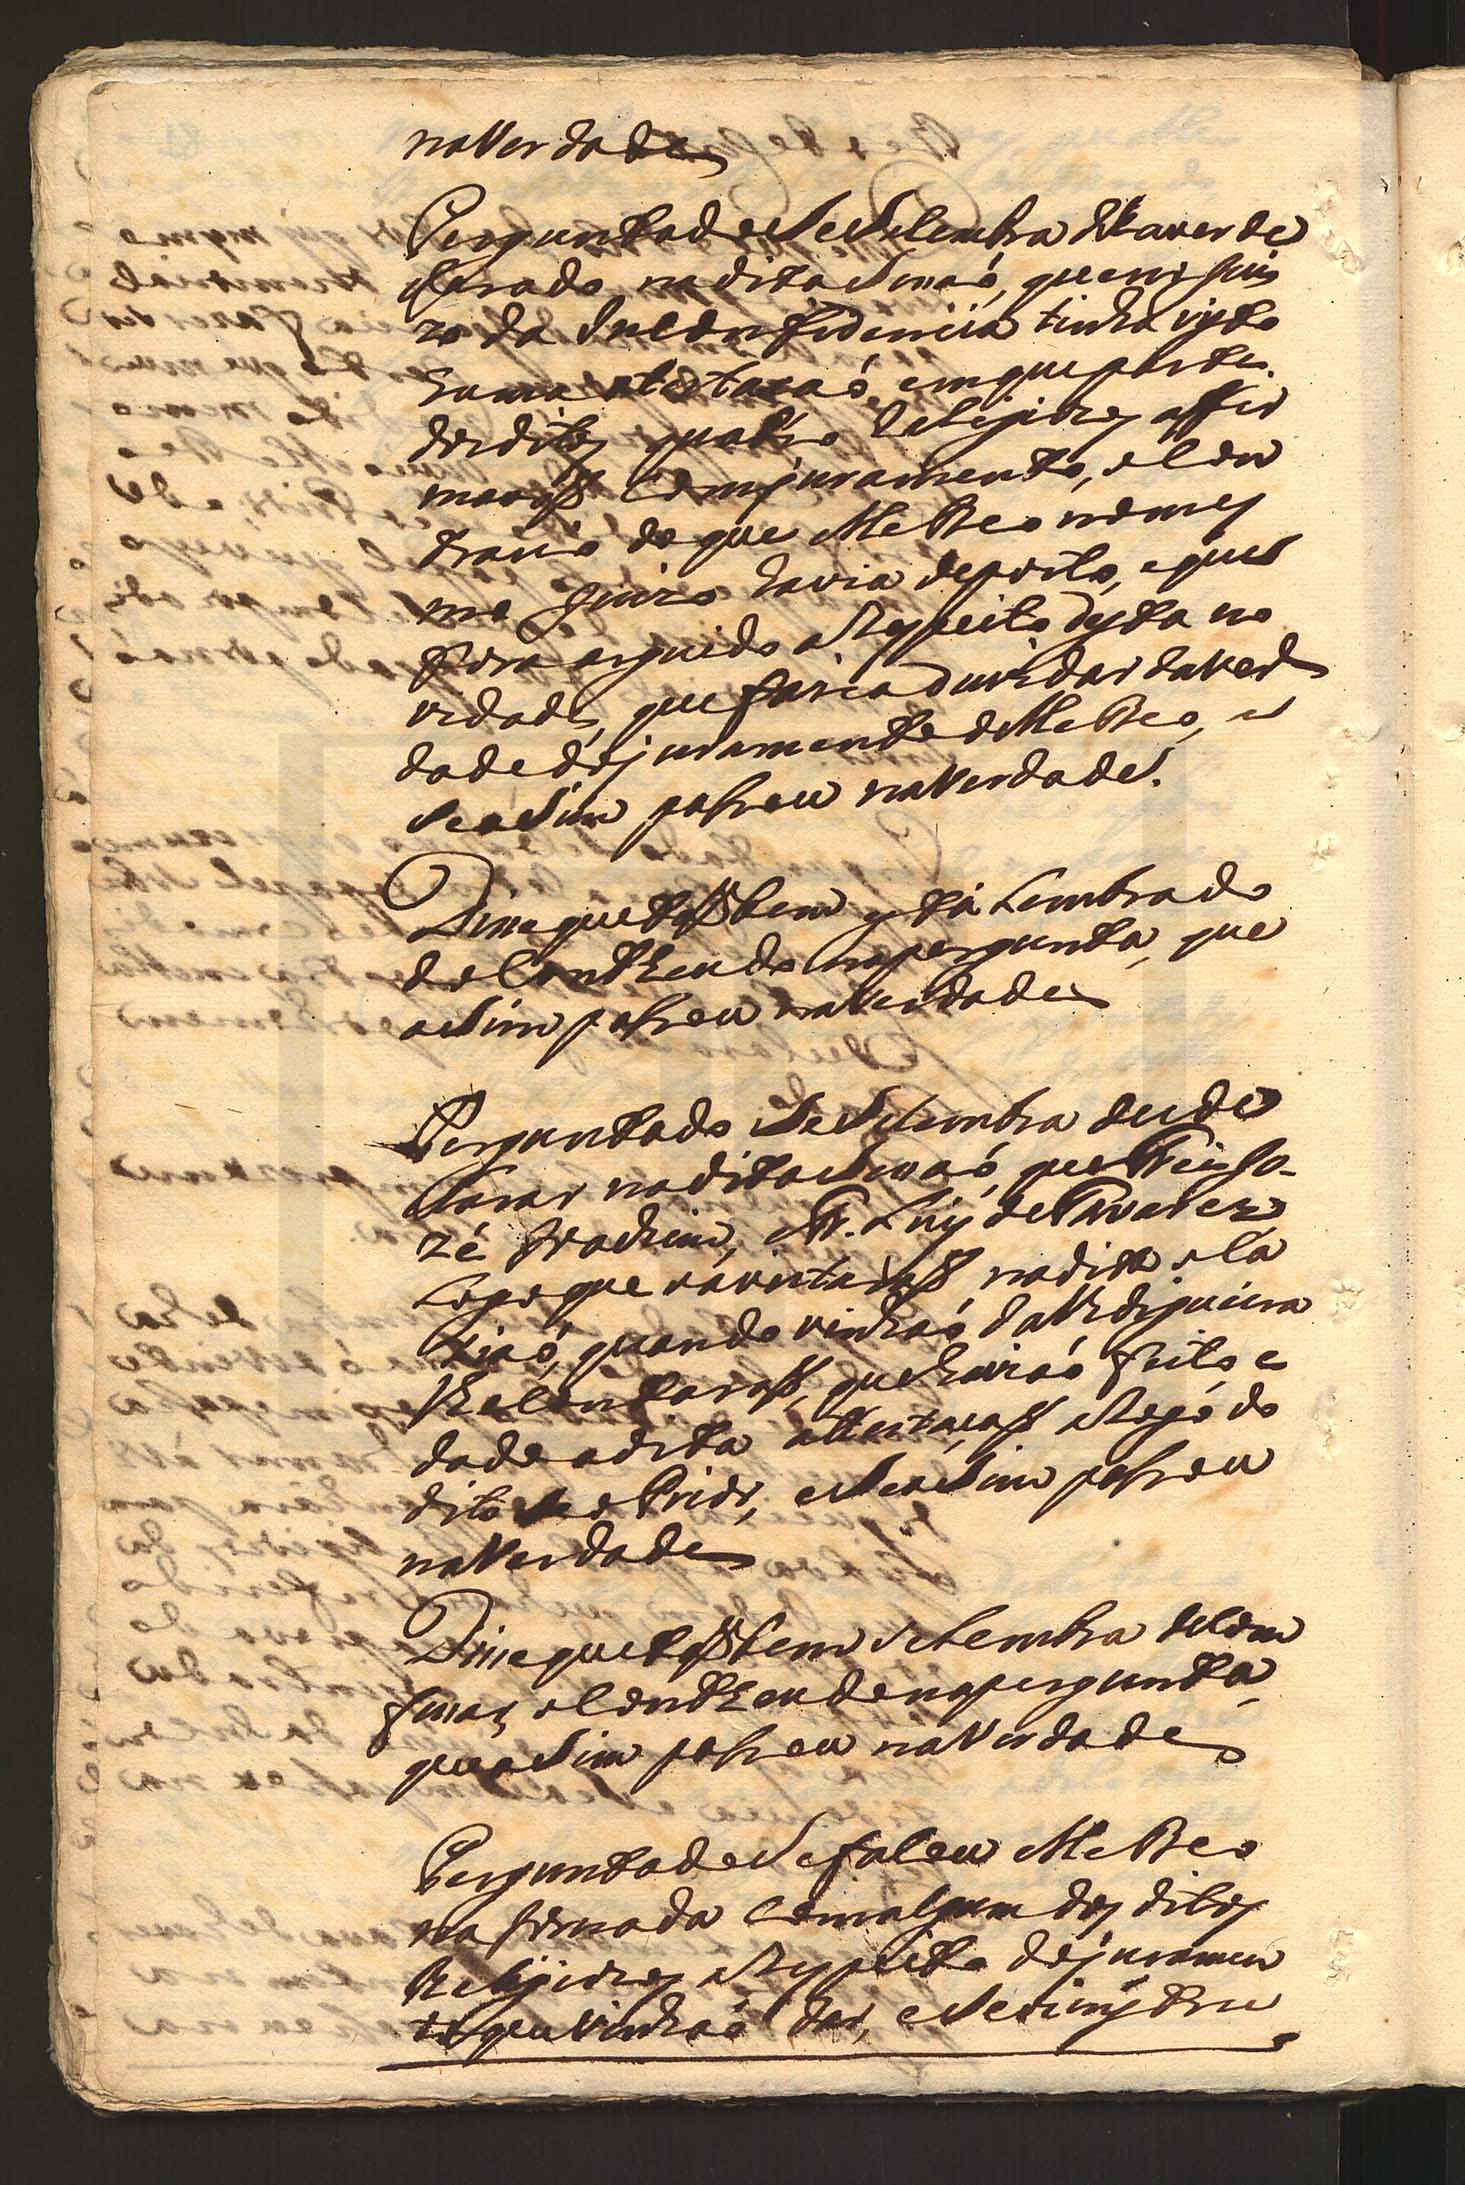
na Verdade
Perguntado Se Se lembra de haver de
clarado na dita Sessaõ, que no jui
zo da Inconfidencia tinha visto
huma atestaçaõ em que parte
dos ditos quatro Religiozos affir
mavaõ com juramento, o con
trario do que elle Reo no mes
mo Juizo havia deposto, e que
fora arguido a Respeito desta no
vidade, que fazia duvidar da ver
dade do juramento delle Reo, e
se asim passou na verdade.
Disse que taõbem está lembrado
do Contheudo na pergunta que
aSim passou na Verdade
Perguntado Se Se lembra de de
clarar na dita Sessaõ, que Frei Jo
zé Joachim, e Fr. Luis de Tavares
Logo que o avistavaõ na dita oca
ziaõ, quando vinhaõ da Vidigueira
lhe contaraõ, que haviaõ feito, e
dado a dita attestaçaõ a Rogo do
dito seo Prior, e Se asim passou
na verdade
Disse que taõbem se lembra se com
fessar, o contheudo na pergunta
que asim passou na Verdade
Perguntado Se falou elle Reo
na Jornada com algum dos ditos
Religiozos a Respeito do juramen
to que vinhaõ dar, e se os instru
